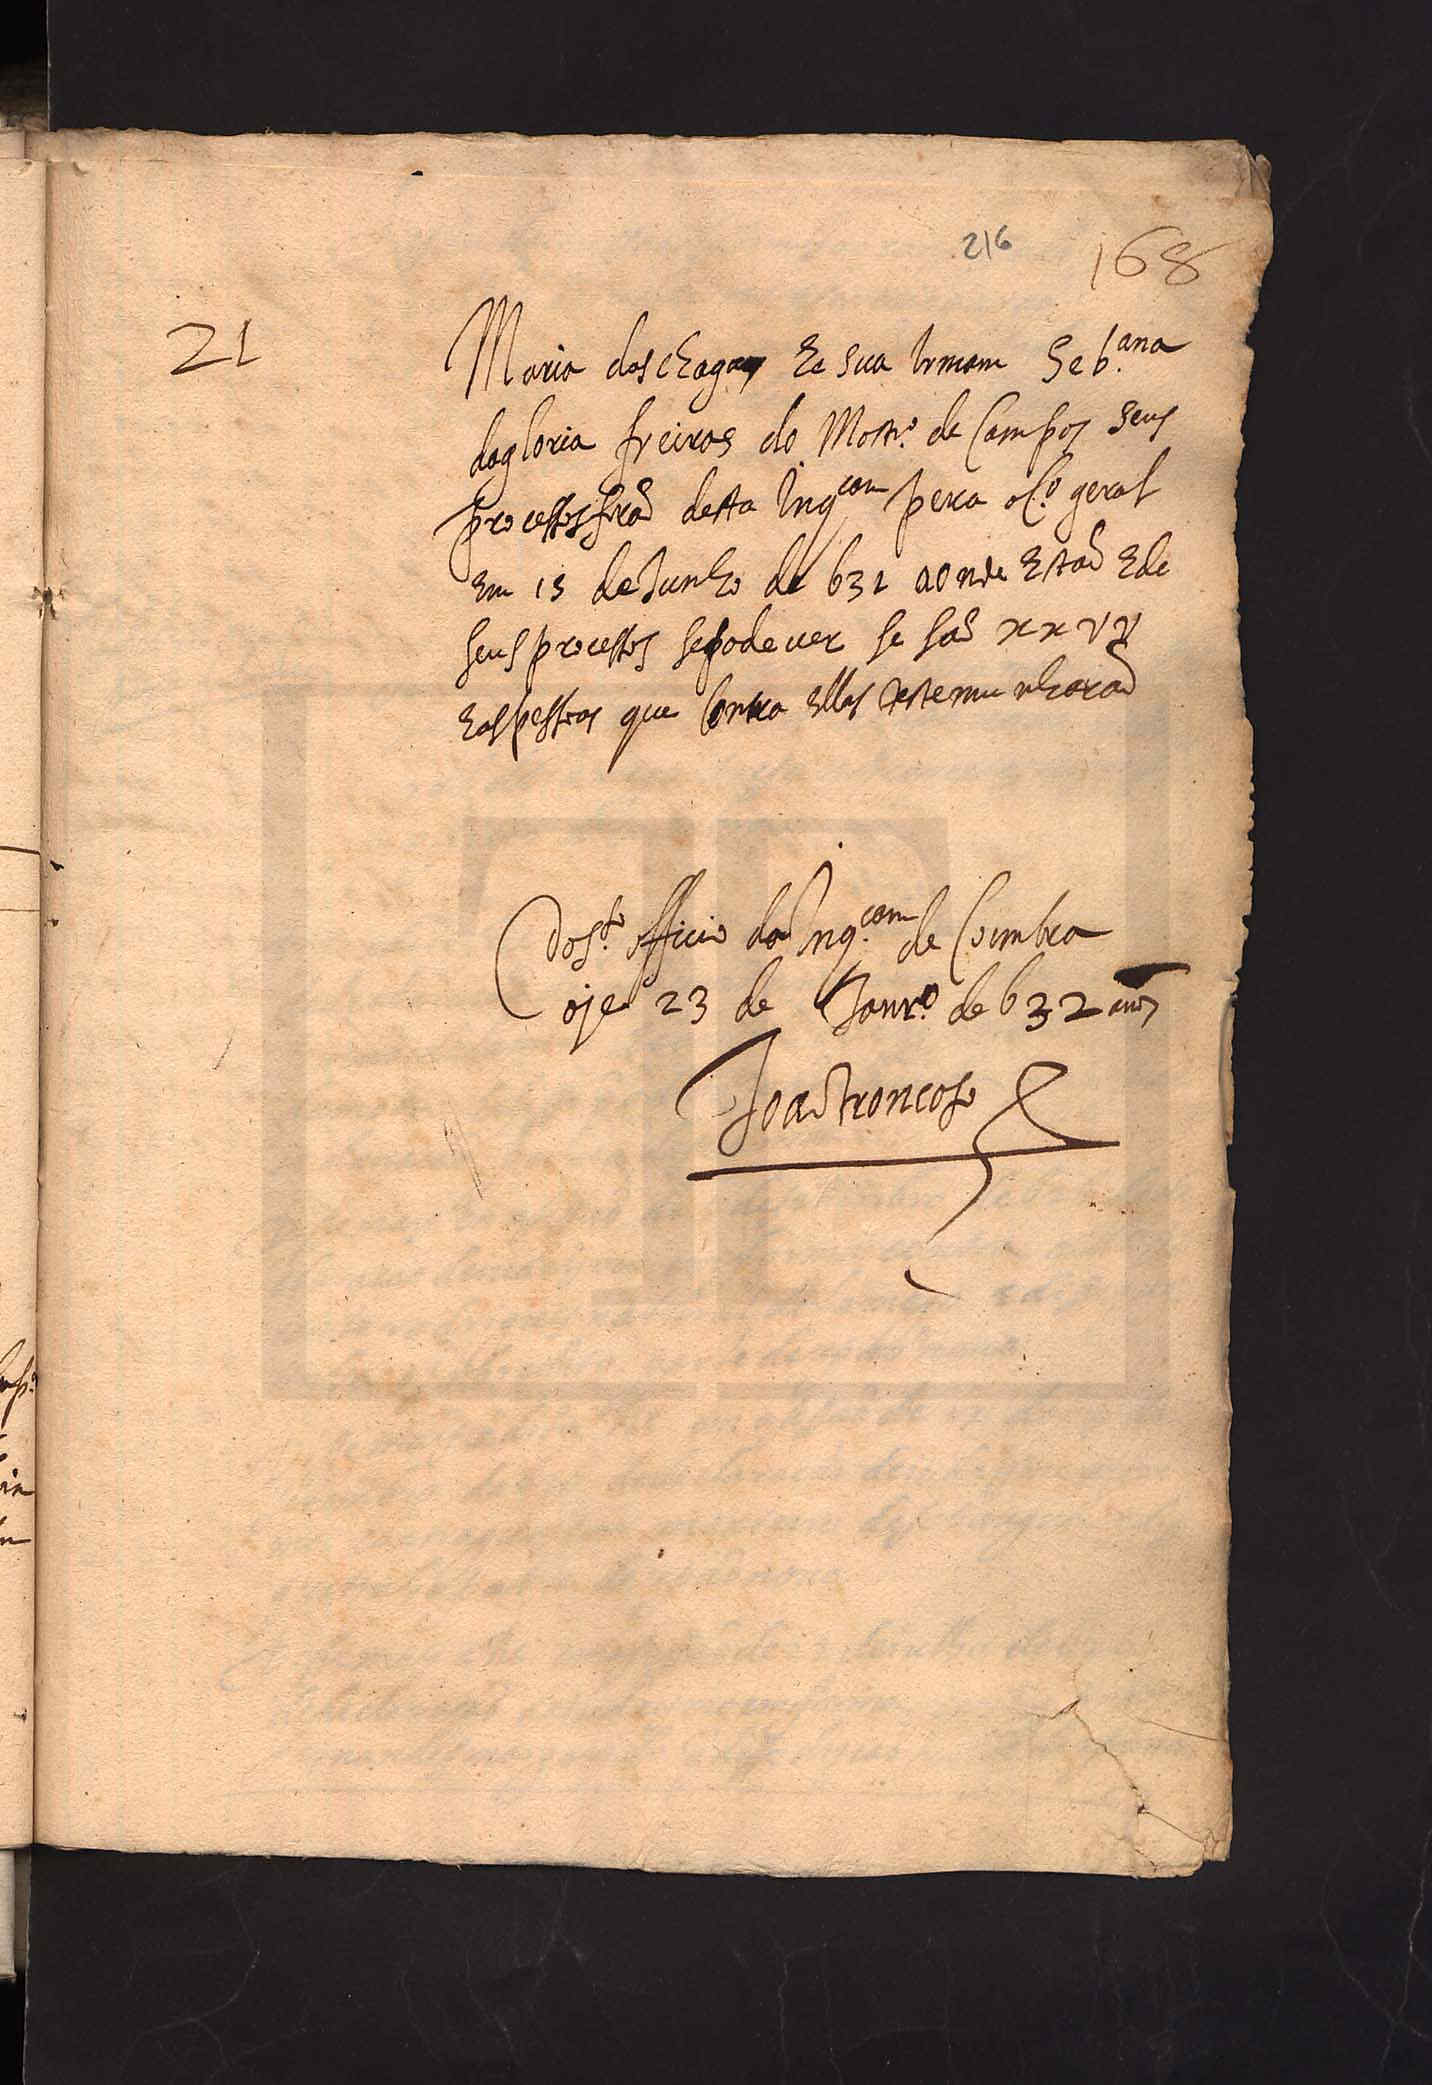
21
Maria das chagas he sua Irmam Seb.ana
da gloria freiras do Mostr.o de Campos seus
processos foraõ desta Inqcam pera o C.o geral
Em 15 de Iunho de 631 aonde Estaõ E de
seus processos se pode uer se saõ xx vv
E as pessoas que Contra Ellas testemunharaõ
do s.to officio da Inq.cam de Coimbra
oje 23 de Janr.o de 632 anos
Joaõ troncoso
